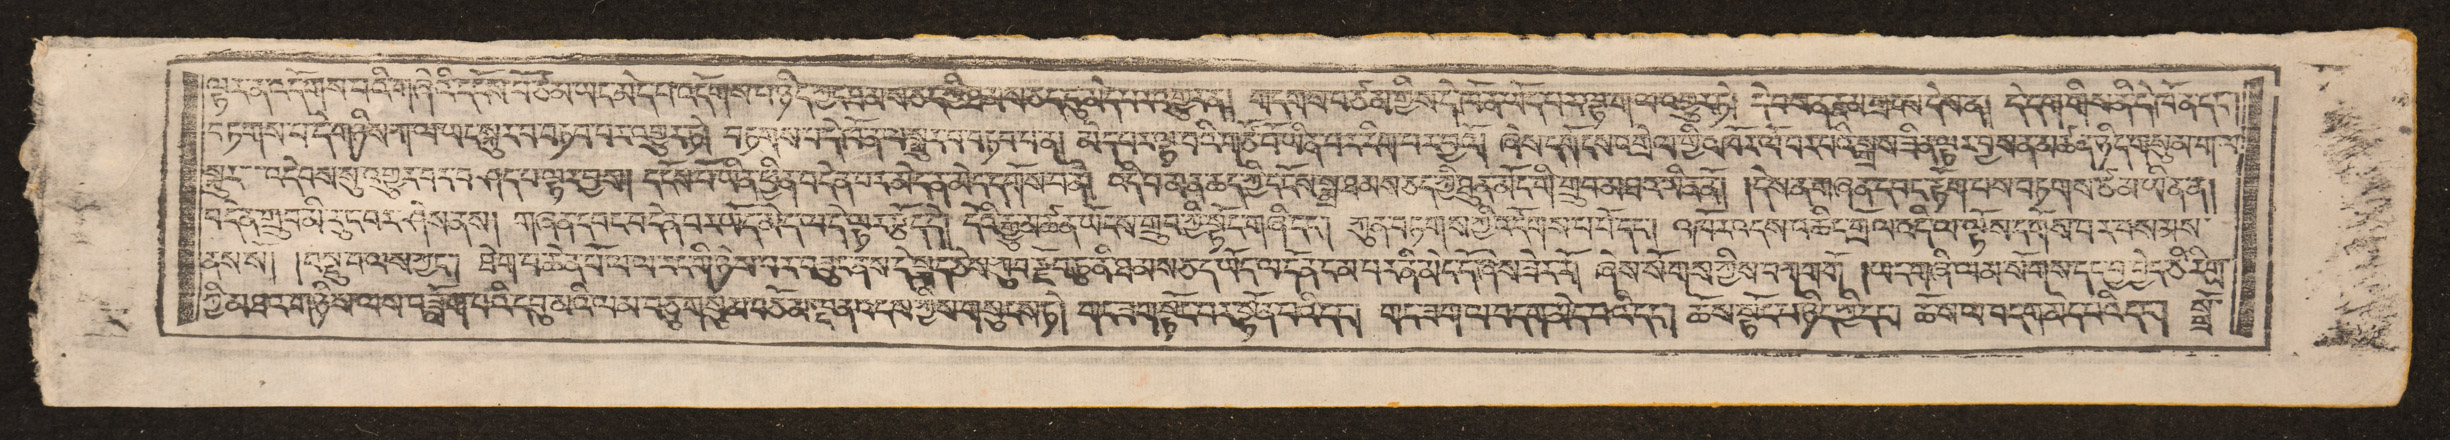ལྟར་ན་འདོགས་པའི་གཞིའི་དངོས་པོ་ཙམ་ཡང་མེད་པ་འདོགས་པ་ཉིད་ཀྱང་ཐམས་ཅད་ཀྱི་ཐམས་ཅད་དུ་མེད་པར་འགྱུར་ན། གདགས་བ་ཙམ་གྱིས་དེ་ཁོ་ན་ཡོད་པར་ལྟག་ལ་འགྱུར་ཏེ། དེ་བས་ན་རྣམ་གྲངས་དེས་ན། དེ་དག་གིས་ནི་དེ་ཁོ་ན་དང་།
བཏགས་པ་དེ་གཉིས་ཀ་ལ་ཡང་སྐུར་བ་བཏབ་པར་འགྱུར་ཏེ། བཏགས་པ་དེ་ཁོ་ན་ལ་སྐུར་བ་བཏབ་པ་ན། མེད་པར་ལྟ་པའི་གཙོ་བོ་ཡིན་པར་རིག་པར་བྱའོ། ཞེས་དགོངས་འགྲེལ་གྱི་འཁོར་ལོ་བར་པའི་སྒྲས་ཟིན་ལྟར་བྱས་ན་མཚན་ཉིད་གསུམ་གལ་
སྐུར་འདེབས་སུ་འགྱུར་བར་བཤད་པ་ལྟར་བྱས། དངོས་པོ་ཡིན་ཕྱིན་བདེན་པར་མེད་ན་མེད་དགོས་པ་ནི། འདི་པ་མན་ཆད་ཀྱི་དངོས་སྨྲ་ཐམས་ཅད་ཀྱི་ཐུན་མོང་གི་གྲུབ་མཐའ་ཡིན་ནོ། །དེས་ན་གཞན་དབང་རྟོག་པས་བཏགས་ཙམ་ཡིན་ན།
བདེན་གྲུབ་མི་རུང་བར་ཤེས་ནས། གཞན་དབང་བདེན་པར་ཡོད་མེད་ལ་དེ་ལྟར་རྩོད་དེ། དེའི་རྒྱུ་མཚན་ཡོངས་གྲུབ་ཀྱི་སྟོང་གཞི་དང་། ཀུན་བཏགས་ཀྱི་འདོགས་པ་པོ་དང་། འཁོར་འདས་འཆིང་གྲོལ་འདི་ལ་ལྟོས་དགོས་པར་བསམས་
ནས་སོ། །བསྡུ་བ་ལས་ཀྱང་། ཐེག་པ་ཆེན་པོ་ལ་ལ་རང་གི་ཉེས་པར་བཟུང་ནས་དེ་སྐད་ཅེས་ཀུབ་རྫོབ་ཏུ་ནི་ཐམས་ཅད་ཡོད་ལ་དོན་དམ་པར་ནི་མེད་དོ་ཞེས་ཟེར་རོ། ཞེས་སོགས་ཀྱིས་བཀག་གོ །ཡང་གཞི་ལམ་སོགས་དང་བྱ་བྱེད་ཅི་རིགས་
ཀྱི་མཐའ་གཉིས་ལས་བཟློག་པའི་དབུ་མའི་ལམ་བཅུ་གསུམ་བཅོམ་ལྡན་འདས་ཀྱིས་གསུངས་ཏེ། གང་ཟག་སྟོང་པར་སྟོན་པའི་དང་། གང་ཟག་ལ་བདག་མེད་པའི་དང་། ཆོས་སྟོང་པ་ཉིད་ཀྱི་དང་། ཆོས་ལ་བདག་མེད་པའི་དང་། སྒྲོ་